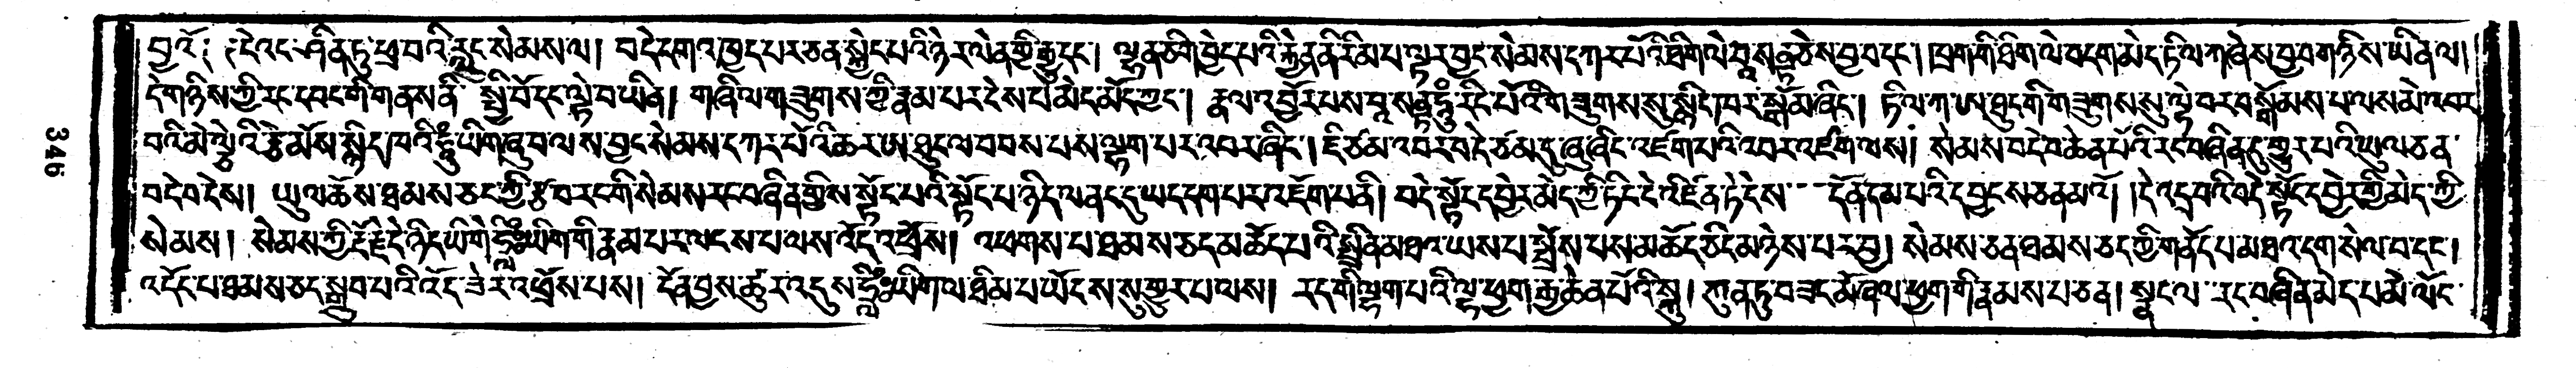བྱའོ༑ ༑དེའང་ཤིན་ཏུ་ཕྲ་བའི་རླུང་སེམས་ལ། བདེ་དགའ་ཁྱད་པར་ཅན་སྐྱེད་པའི་ཉེར་ལེན་གྱི་རྒྱུ་དང་། ལྷན་ཅིག་བྱེད་པའི་རྐྱེན་ནི་རིམ་པ་ལྟར་བྱང་སེམས་དཀར་པོའི་ཐིག་ལེ་བཱ་སནྟ་ཅེས་བྱ་བ་དང་། ཁྲག་གི་ཐིག་ལེ་བདག་མེད་ཏི་ལ་ཀ་ཞེས་བྱ་བ་གཉིས་ཡིན་ལ།
དེ་གཉིས་ཀྱི་རང་དབང་གི་གནས་ནི་སྤྱི་བོ་དང་ལྟེ་བ་ཡིན། གཞི་ལ་གཟུགས་ཀྱི་རྣམ་པར་ངེས་པ་མེད་མོད་ཀྱང་། རྣལ་འབྱོར་པས་བཱ་སནྟ་ཧཱུཾ་རིང་པོའི་གཟུགས་སུ་སྙིང་ཁར་སྒོམ་ཞིང་། ཏི་ལ་ཀ་ཨ་ཐུང་གི་གཟུགས་སུ་ལྟེ་བར་བསྒོམས་པ་ལས་མེ་འབར་
བའི་མེ་ལྕེའི་རྩེ་མོས་སྙིང་ཁའི་ཧཱུཾ་ཡིག་ཞུ་བ་ལས་བྱང་སེམས་དཀར་པོའི་ཆར་ཨ་ཐུང་ལ་བབས་པས་ལྷག་པར་འབར་ཞིང་། ཇི་ཙམ་འབར་བདེ་ཙམ་དུ་ཞུ་ཞིང་འཛག་པའི་འབར་འཛག་ལས། སེམས་བདེ་བ་ཆེན་པོའི་རང་བཞིན་དུ་གྱུར་པའི་ཡུལ་ཅན་
བདེ་བ་དེས། ཡུལ་ཆོས་ཐམས་ཅད་ཀྱི་རྩ་བ་རང་གི་སེམས་རང་བཞིན་གྱིས་སྟོང་པའི་སྟོང་པ་ཉིད་ལ་ནང་དུ་ཡང་དག་པར་འཇོག་པ་ནི། བདེ་སྟོང་དབྱེར་མེད་ཀྱི་ཏིང་ངེ་འཛིན་ཏེ་ངེས་དོན་དམ་པའི་དབྱངས་ཅན་མའོ། །དེ་འདྲ་བའི་བདེ་སྟོང་དབྱེར་གྱི་མེད་ཀྱི་
སེམས། སེམས་ཀྱི་རྡོ་རྗེ་དེ་ཉིད་ཡི་གེ་ཧྲཱིཾཿ ཡིག་གི་རྣམ་པར་ལངས་པ་ལས་འོད་འཕྲོས། འཕགས་པ་ཐམས་ཅད་མཆོད་པའི་སྤྲིན་མཐའ་ཡས་པ་སྤྲོས་པས་མཆོད་ཅིང་མཉེས་པར་བྱ། སེམས་ཅན་ཐམས་ཅད་ཀྱི་གནོད་པ་མཐའ་དག་སེལ་བ་དང་།
འདོང་པ་ཐམས་ཅད་སྒྲུབ་པའི་འོད་ཟེར་འཕྲོས་པས། དོན་བྱས་ཚུར་འདུས་ཧྲླིཾཿ ཡིག་ལ་ཐིམ་པ་ཡོངས་སུ་གྱུར་པ་ལས། རང་གི་ལྷག་པའི་ལྷ་ཕྱག་རྒྱ་ཆེན་པོའི་སྐུ། ཀུན་ཏུ་བཟང་མོ་ཞལ་ཕྱག་གི་རྣམས་པ་ཅན། སྣང་ལ་རང་བཞིན་མེད་པ་མེ་ལོང་